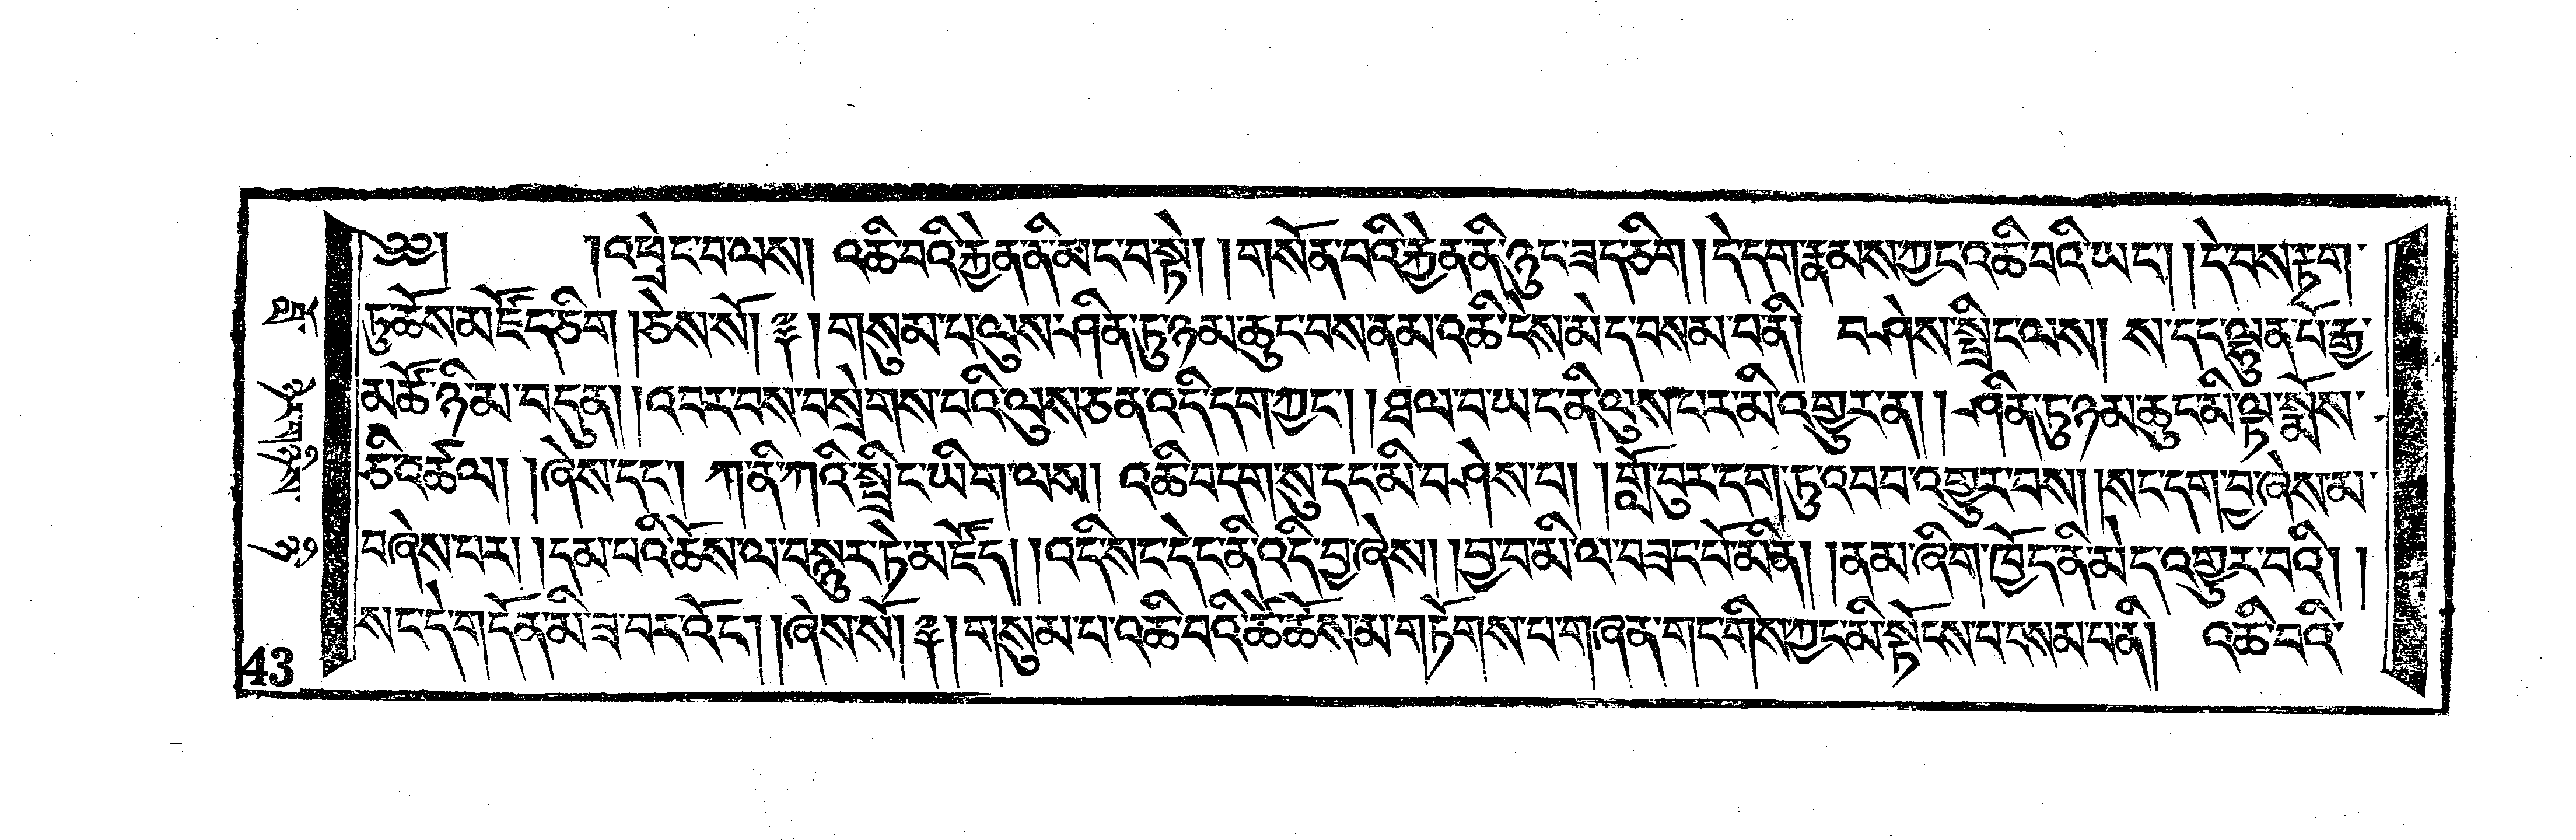༄༅། །འཕྲེང་བ་ལས། འཆི་བའི་རྐྱེན་ནི་མང་བ་སྟེ། །གསོན་པའི་རྐྱེན་ནི་ཉུང་ཟད་ཅིག །དེ་དག་རྣམས་ཀྱང་འཆི་བའི་ཡང་། །དེ་བས་རྟག་
ཏུ་ཆོས་མཛོད་ཅིག །ཅེས་སོ། ༈ །གསུམ་པ་ལུས་ཤིན་ཏུ་ཉམ་ཆུང་བས་ནམ་འཆི་ངེས་མེད་བསམ་པ་ནི། བཤེས་སྤྲིང་ལས། ས་དང་ལྷུན་པོ་རྒྱ་
མཚོ་ཉི་མ་བདུན། །འབར་བས་བསྲེགས་པའི་ལུས་ཅན་འདི་དག་ཀྱང་། །ཐལ་བ་ཡང་ནི་ལུས་པར་མི་འགྱུར་ན། །ཤིན་ཏུ་ཉམ་ཆུང་མི་ལྟ་སྨོས་
ཅི་འཚལ། །ཞེས་དང་། ཀ་ནི་ཀའི་སྤྲིང་ཡིག་ལས། འཆི་བདག་སུ་དང་མི་བཤེས་པ། །གློ་བུར་དག་ཏུ་འབབ་འགྱུར་བས། །སང་དག་བྱ་ཞེས་མ་
བཞེས་པར། །དམ་པའི་ཆོས་ལ་བསྙུར་ཏེ་མཛོད། །འདི་སང་དེང་ནི་འདི་བྱ་ཞེས། །བྱ་བ་མི་ལ་བཟང་པོ་མིན། །ནམ་ཞིག་ཁྱོད་ནི་མེད་འགྱུར་བའི། །
སང་དེ་གདོན་མི་ཟ་བར་འོང་། །ཞེས་སོ། ༈ །གསུམ་པ་འཆི་བའི་ཚེ་ཆོས་མ་གཏོགས་པ་གཞན་གང་གིས་ཀྱང་མི་སྟོངས་པ་བསམ་པ་ནི། འཆི་བའི་